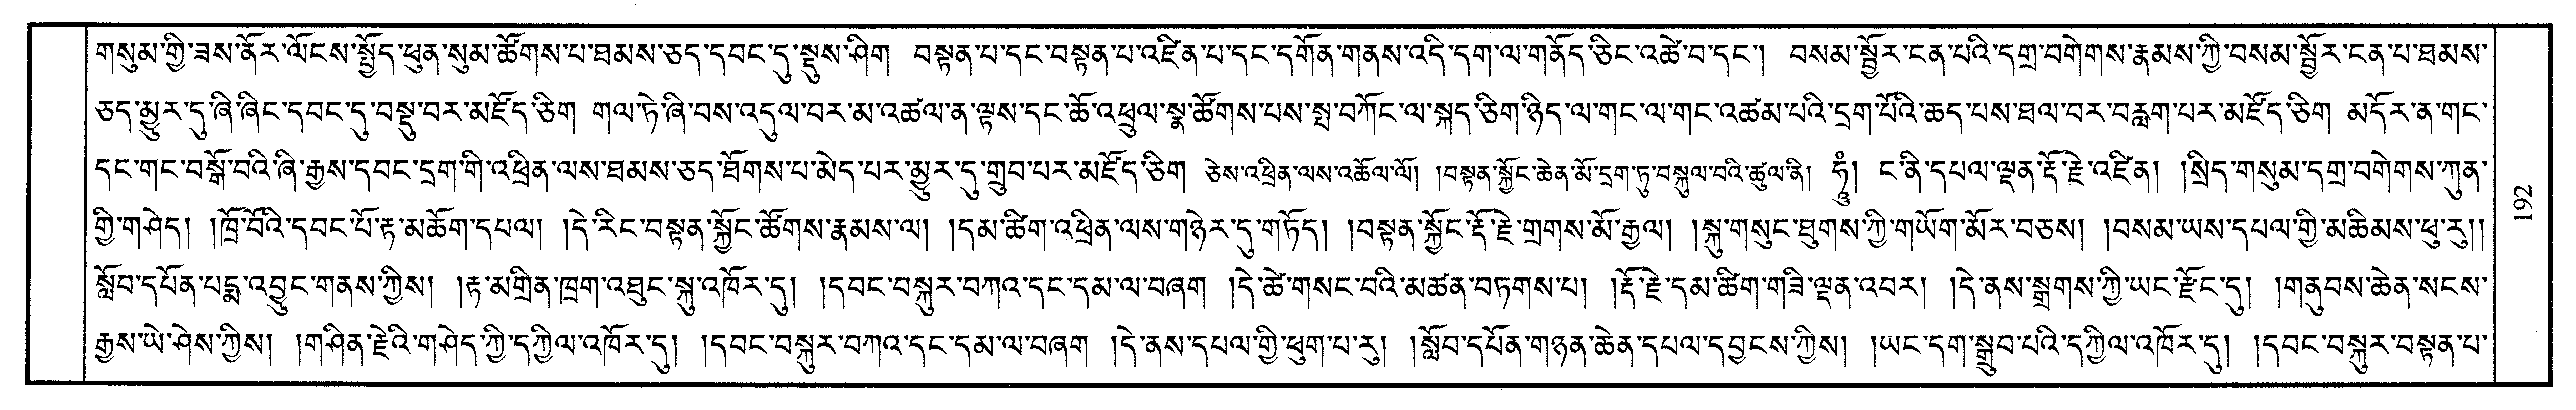གསུམ་གྱི་ཟས་ནོར་ལོངས་སྤྱོད་ཕུན་སུམ་ཚོགས་པ་ཐམས་ཅད་དབང་དུ་སྡུད་ཤིག །བསྟན་པ་དང་བསྟན་པ་འཛིན་པ་དང་དགོན་གནས་འདི་དག་ལ་གནོད་ཅིང་འཚེ་བ་དང་། བསམ་སྦྱོར་ངན་པའི་དགྲ་བགེགས་རྣམས་ཀྱི་བསམ་སྦྱོར་ངན་པ་ཐམས་
ཅད་མྱུར་དུ་ཞི་ཞིང་དབང་དུ་བསྡུ་བར་མཛོད་ཅིག། གལ་ཏེ་ཞི་བས་འདུལ་བར་མ་འཚལ་ན་ལྟས་དང་ཆོ་འཕྲུལ་སྣ་ཚོགས་པས་སྤ་བཀོང་ལ་སྐད་ཅིག་ཉིད་ལ་གང་ལ་གང་འཚམ་པའི་དྲག་པོའི་ཆད་པས་ཐལ་བར་བརླག་པར་མཛོད་ཅིག་མདོར་ན་གང་
དང་གང་བསྒོ་བའི་ཞི་རྒྱས་དབང་དྲག་གི་འཕྲིན་ལས་ཐམས་ཅད་ཐོགས་པ་མེད་པར་མྱུར་དུ་གྲུབ་པར་མཛོད་ཅིག་ཅེས་འཕྲིན་ལས་འཆོལ་ལོ། །བསྟན་སྐྱོང་ཆེན་མོ་དྲག་ཏུ་བསྐུལ་བའི་ཚུལ་ནི། ཧཱུཾ། ང་ནི་དཔལ་ལྡན་རྡོ་རྗེ་འཛིན། །སྲིད་གསུམ་དགྲ་བགེགས་ཀུན་
གྱི་གཤེད། །ཁྲོ་བོའི་དབང་པོ་རྟ་མཆོག་དཔལ། །དེ་རིང་བསྟན་སྐྱོང་ཚོགས་རྣམས་ལ། །དམ་ཚིག་འཕྲིན་ལས་གཉེར་དུ་གཏོད། །བསྟན་སྐྱོང་རྡོ་རྗེ་གྲགས་མོ་རྒྱལ། །སྐུ་གསུང་ཐུགས་ཀྱི་གཡོག་མོར་བཅས། །བསམ་ཡས་དཔལ་གྱི་མཆིམས་ཕུ་རུ།།
སློབ་དཔོན་པདམ་འབྱུང་གནས་ཀྱིས། །རྟ་མགྲིན་ཁྲག་འཐུང་སྐུ་འཁོར་དུ། །དབང་བསྐུར་བཀའ་དང་དམ་ལ་བཞག །དེ་ཚེ་གསང་བའི་མཚན་བཏགས་པ། །རྡོ་རྗེ་དམ་ཚིག་གཟི་ལྡན་འབར། །དེ་ནས་སྒྲགས་ཀྱི་ཡང་རྫོང་དུ། །གནུབས་ཆེན་སངས་
རྒྱས་ཡེ་ཤེས་ཀྱིས། །གཤིན་རྗེའི་གཤེད་ཀྱི་དཀྱིལ་འཁོར་དུ། །དབང་བསྐུར་བཀའ་དང་དམ་ལ་བཞག །དེ་ནས་དཔལ་གྱི་ཕུག་པ་རུ། །སློབ་དཔོན་གཉན་ཆེན་དཔལ་དབྱངས་ཀྱིས། །ཡང་དག་སྒྲུབ་པའི་དཀྱིལ་ཁོར་དུ། །དབང་བསྐུར་བསྟན་པ་